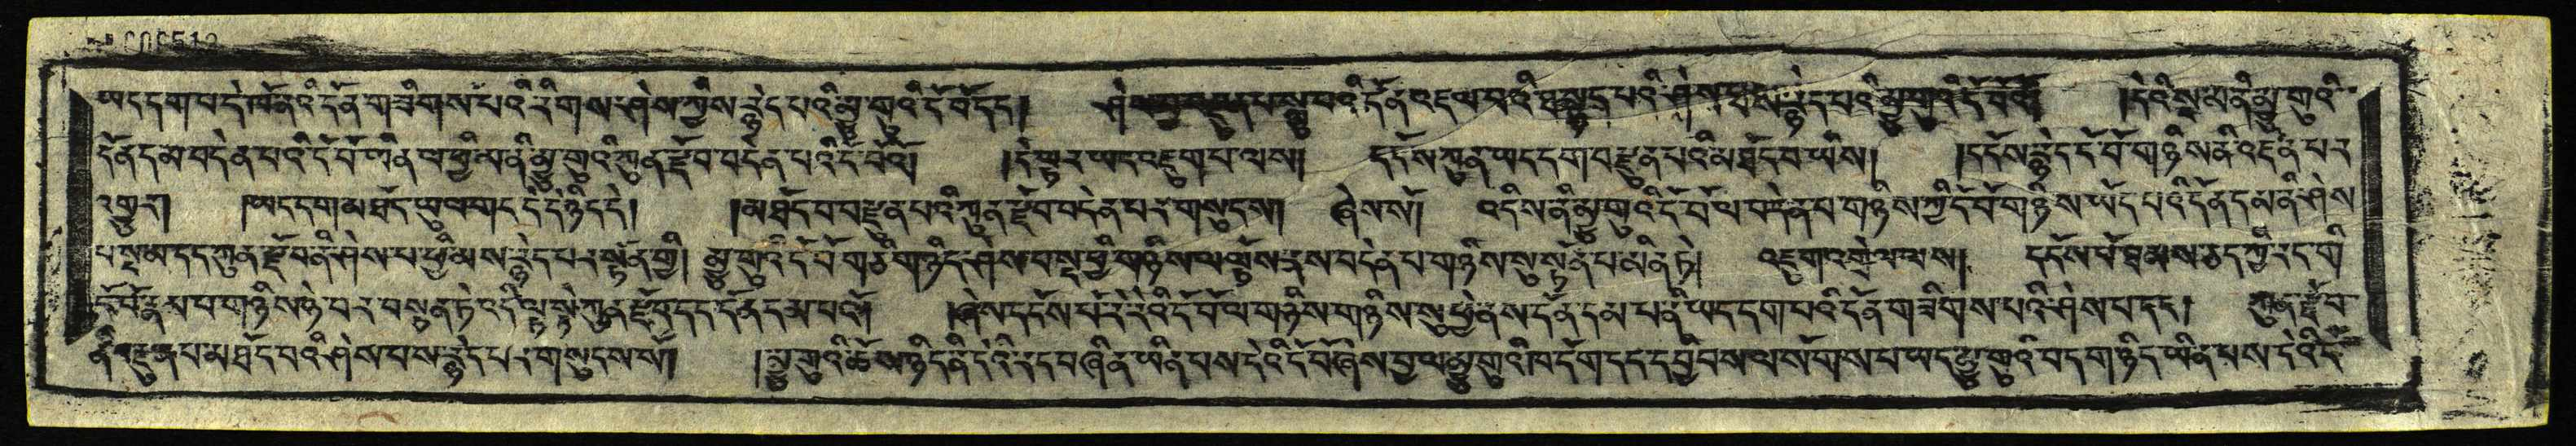ཡང་དག་པ་དེ་ཁོ་ནའི་དོན་གཟིགས་པའི་རིགས་ཤེས་ཀྱིས་རྙེད་པའི་མྱུ་གུའི་ངོ་བོ་དང་། ཤེས་བྱ་བརྫུན་པ་སླུ་བའི་དོན་འཇལ་བའི་ཐ་སྙད་པའི་ཤེས་པས་རྙེད་པའི་མྱུ་གུའི་ངོ་བོའོ། །དེའི་སྔ་མ་ནི་མྱུ་གུའི་
དོན་དམ་བདེན་པའི་ངོ་བོ་ཡིན་ལ་ཕྱི་མ་ནི་མྱུ་གུའི་ཀུན་རྫོབ་བདེན་པའི་ངོ་བོའོ། །དེ་ལྟར་ཡང་འཇུག་པ་ལས། དངོས་ཀུན་ཡང་དག་བརྫུན་པའི་མཐོང་བ་ཡིས། །དངོས་རྙེད་ངོ་བོ་གཉིས་ནི་འཛིན་པར་
འགྱུར། །ཡང་དག་མཐོང་ཡུལ་གང་དེ་ཉིད་དེ། །མཐོང་བ་བརྫུན་པའི་ཀུན་རྫོབ་བདེན་པར་གསུངས། ཞེས་སོ། །འདིས་ནི་མྱུ་གུའི་ངོ་བོ་ལ་བདེན་པ་གཉིས་ཀྱི་ངོ་བོ་གཉིས་ཡོད་པའི་དོན་དམ་ནི་ཤེས་
པ་སྔ་མ་དང་ཀུན་རྫོབ་ནི་ཤེས་པ་ཕྱི་མས་རྙེད་པར་སྟོན་གྱི། མྱུ་གུའི་ངོ་བོ་གཅིག་ཉིད་ཤེས་པ་སྔ་ཕྱི་གཉིས་ལ་ལྟོས་ནས་བདེན་པ་གཉིས་སུ་སྟོན་པ་མིན་ཏེ། འཇུག་འགྲེལ་ལས། དངོས་པོ་ཐམས་ཅད་ཀྱི་རང་གི་
ངོ་བོ་རྣམ་པ་གཉིས་ཉེ་བར་བསྟན་ཏེ་འདི་ལྟ་སྟེ་ཀུན་རྫོབ་དང་དོན་དམ་པའོ། །ཞེས་དངོས་པོ་རེ་རེའི་ངོ་བོ་ལ་གཉིས་གཉིས་སུ་ཕྱེ་ནས་དོན་དམ་པ་ནི་ཡང་དག་པའི་དོན་གཟིགས་པའི་ཤེས་པ་དང་། ཀུན་རྫོབ་
ནི་བརྫུན་པ་མཐོང་བའི་ཤེས་པས་རྙེད་པར་གསུངས་སོ། །མྱུ་གུའི་ཆོས་ཉིད་ནི་དེའི་རང་བཞིན་ཡིན་པས་དེའི་ངོ་བོ་ཞེས་བྱ་ལ་མྱུ་གུའི་ཁ་དོག་དང་དབྱིབས་ལ་སོགས་པ་ཡང་མྱུ་གུའི་བདག་ཉིད་ཡིན་པས་དེའི་ངོ་